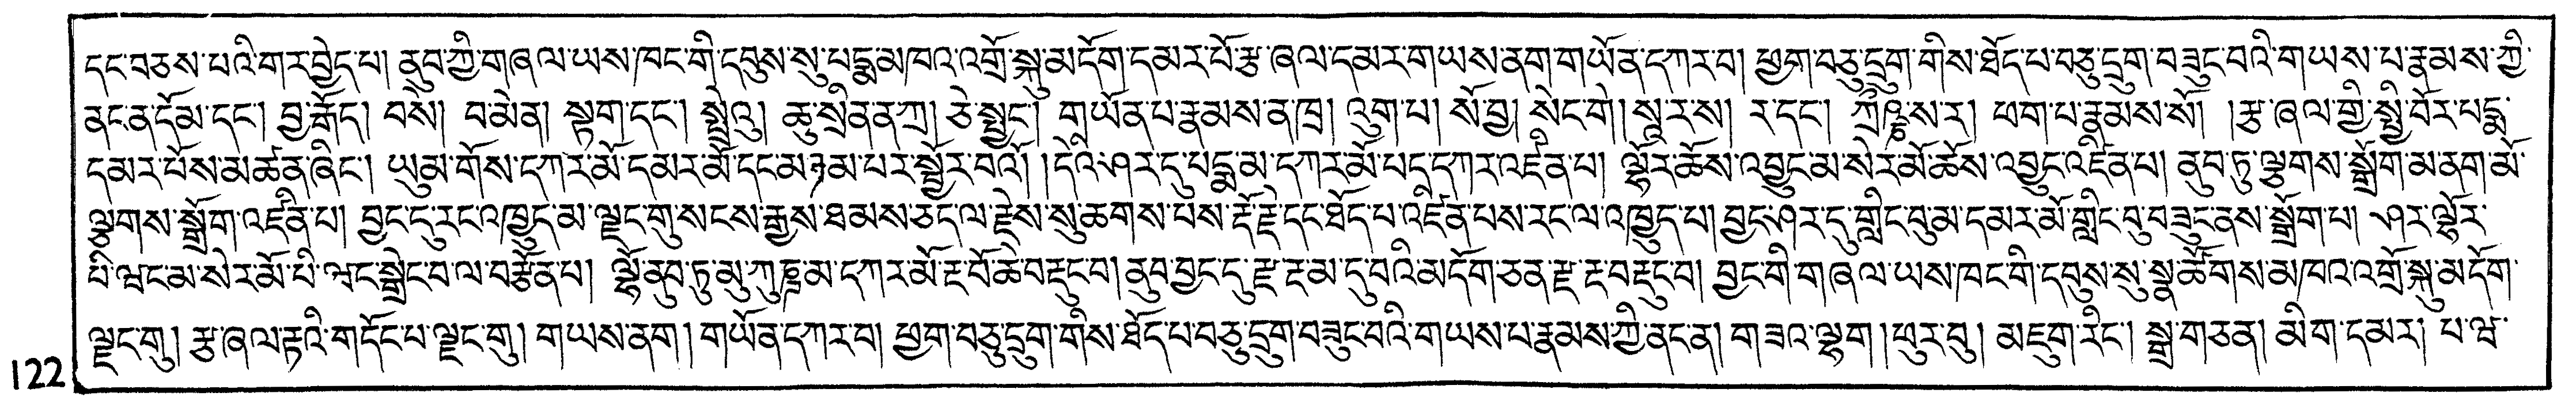དང་བཅས་པའི་གར་བྱེད་པ། ནུབ་ཀྱི་གཞལ་ཡས་ཁང་གི་དབུས་སུ་པདམ་མཁའ་འགྲོ་སྐུ་མདོག་དམར་པོ་རྩ་ཞལ་དམར་གཡས་ནག་གཡོན་དཀར་བ། ཕྱག་བཅུ་དྲུག་གིས་ཐོད་པ་བཅུ་དྲུག་བཟུང་བའི་གཡས་པ་རྣམས་ཀྱི་
ནང་ན་དོམ་དང་། བྱ་རྒོད། བསེ། བ་མེན། སྟག་དང་། སྤྲེའུ། ཆུ་སྲིན་ན་ཀྲ། ཅེ་སྤྱང་། གཡོན་པ་རྣམས་ན་ཁྲ། འུག་པ། སོ་བྱ། སེང་གེ །སཱ་ར་ས། ར་དང་། ཀྲྀཥྞ་ས་ར། ཕག་པ་རྣམས་སོ། །རྩ་ཞལ་གྱི་སྤྱི་བོར་པདམ་
དམར་པོས་མཚན་ཞིང་། ཡུམ་གོས་དཀར་མོ་དམར་མོ་དང་མཉམ་པར་སྦྱོར་བའོ། །དེའི་ཤར་དུ་པདམ་མ་དཀར་མོ་པད་དཀར་འཛིན་པ། ལྷོར་ཆོས་འབྱུང་མ་སེར་མོ་ཆོས་འབྱུང་འཛིན་པ། ནུབ་ཏུ་ལྕགས་སྒྲོག་མ་ནག་མོ་
ལྕགས་སྒྲོག་འཛིན་པ། བྱང་དུ་རང་འཁྱུད་མ་ལྗང་གུ་སངས་རྒྱས་ཐམས་ཅད་ལ་རྗེས་སུ་ཆགས་པས་རྡོ་རྗེ་དང་ཐོད་པ་འཛིན་པས་རང་ལ་འཁྱུད་པ། བྱང་ཤར་དུ་གླིང་བུ་མ་དམར་མོ་གླིང་བུ་བཟུང་ནས་སྒྲོག་པ། ཤར་ལྷོར་
པི་ཝང་མ་སེར་མོ་པི་ཝང་སྒྲེང་བ་ལ་བརྩོན་པ། ལྷོ་ནུབ་ཏུ་མུ་ཀུཎྜ་མ་དཀར་མོ་རྔ་བོ་ཆེ་བརྡུང་བ། ནུབ་བྱང་དུ་རྫ་རྔ་མ་དུ་བའི་མདོག་ཅན་རྫ་རྔ་བརྡུང་བ། བྱང་གི་གཞལ་ཡས་ཁང་གི་དབུས་སུ་སྣ་ཚོགས་མཁའ་འགྲོ་སྐུ་མདོག་
ལྗང་གུ །རྩ་ཞལ་རྟའི་གདོང་པ་ལྗང་གུ །གཡས་ནག །གཡོན་དཀར་བ། ཕྱག་བཅུ་དྲུག་གིས་ཐོད་པ་བཅུ་དྲུག་བཟུང་བའི་གཡས་པ་རྣམས་ཀྱི་ནང་ན། གཟའ་ལྷག །ཕུར་བུ། མཇུག་རིང་། སྒྲ་གཅན། མིག་དམར། པ་ཝ་